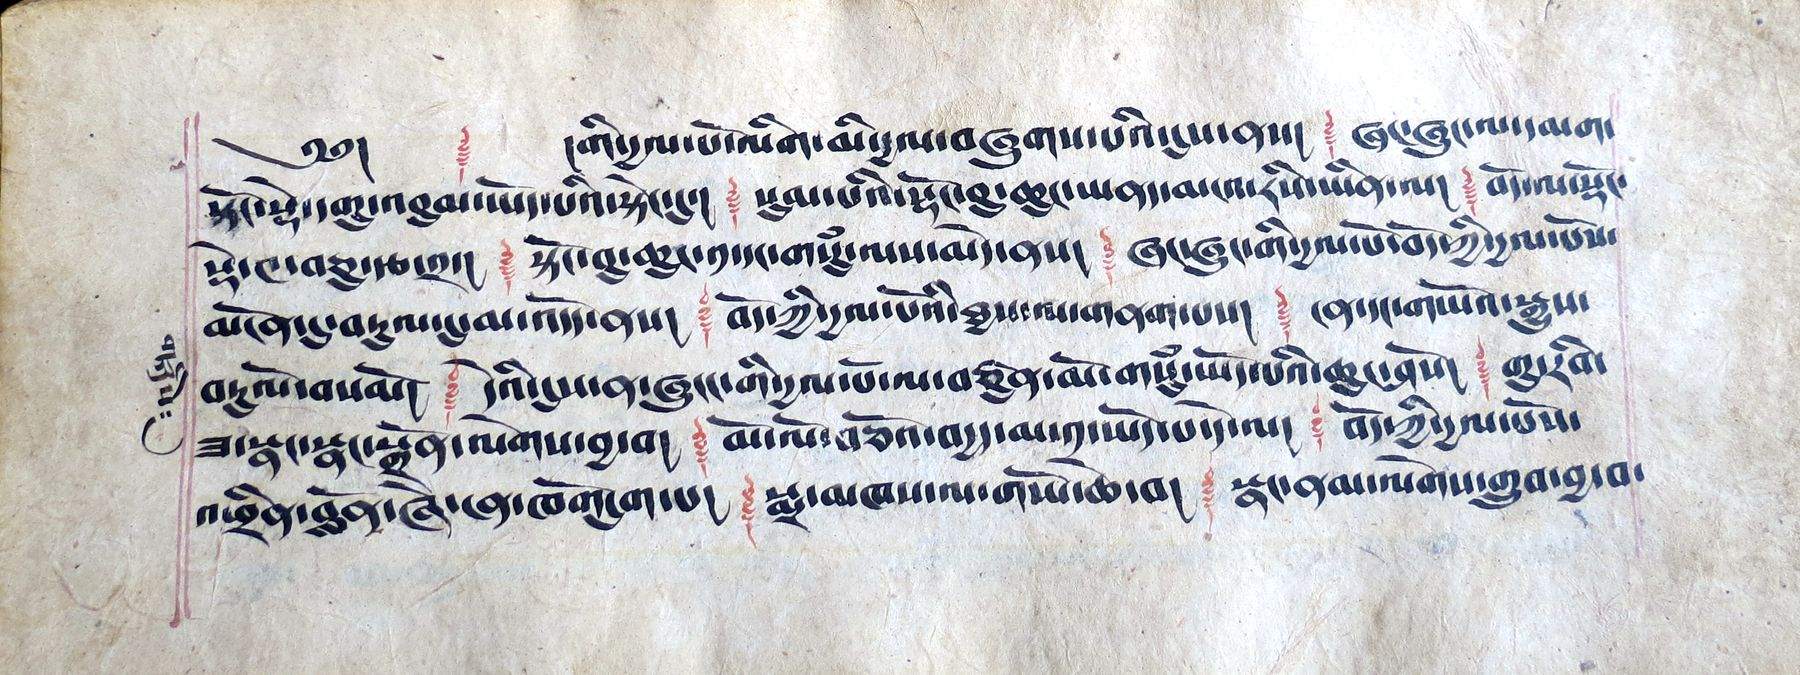གི་རྒྱལ་པོ་ལིག་མི་རྐྱ་བཞུགས་ན། ཞང་ཞུང་ལ་དམག་
སྟོང་སྡེ་དགུ་ཁྲི་དགུ་འབུམ་ཡོད་པའི་སྟེང་དུ། སུམ་པ་སྟོང་བུ་ཆུང་ཡན་ཆད་མངའ་རིས་ཡིན་ལ། བོད་ལ་སྟོང་
སྡེ་བཞི་བཅུ་རྩ་གཉིས། སྟོང་བུ་ཆུང་གཅིག་དང་གསུམ་ལས་མེད་ནས། ཞང་ཞུང་གི་རྒྱལ་པོ། བོད་ཀྱི་རྒྱལ་པོས་
མངོན་དུ་བཏུལ་དུ་མ་འདོད་ནས། བོད་ཀྱི་རྒྱལ་པོའི་ཐུགས་ལ་བརྣག་པ་དང་། ངན་གྱིས་གཡོ་སྒྱུས་
བཏུལ་ལོ་བསམ་མོ། ། དེའི་དུས་ན་ཞང་ཞུང་གི་རྒྱལ་པོ་ལ། བཙུན་མོ་གསུམ་ཡོད་པའི་ཆུང་ཤོས། གུ་རིབ་
བཟའ་སྣང་སྣང་སྒྲོན་ལེགས་མོ་བྱ་བ། མོ་ལོ་བཅོ་བརྒྱད་ལོན་པ་ཞིག་ཡོད་པ་དེ་ལ། བོད་ཀྱི་རྒྱལ་པོའི་
འཕྲིན་བློན་པ། ཞེ་ངན་ལ་ཁོང་གདུག་པ། སྨྲ་མཁས་ལ་གཡོ་ཆེ་བ། སྣང་ནམ་ལེགས་གྲུབ་བྱ་བ་